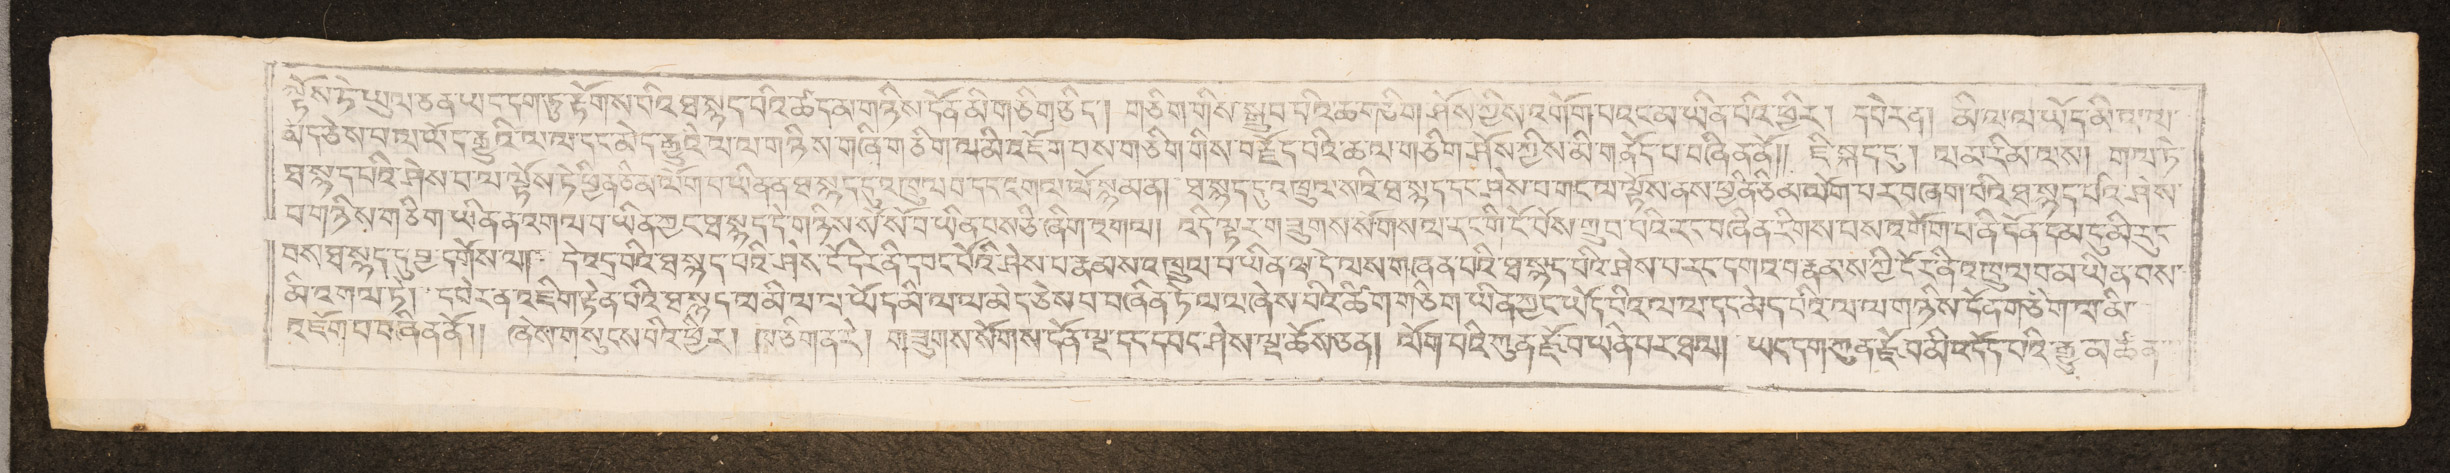ལྟོས་ཏེ་ཡུལ་ཅན་ཡང་དག་ཏུ་རྟོགས་པའི་ཐ་སྙད་པའི་ཚད་མ་གཉིས་དོན་མི་གཅིག་ཅིང་། གཅིག་གིས་སྒྲུབ་པའི་ཆ་གཅིག་ཤོས་ཀྱིས་འགོག་པའང་མ་ཡིན་པའི་ཕྱིར། དཔེར་ན། མི་ལ་ལ་ཡོད་མི་ལ་ལ་
མེད་ཅེས་པ་ལ་ཡོད་རྒྱུའི་ལ་ལ་དང་མེད་རྒྱུའི་ལ་ལ་གཉིས་གཞི་གཅིག་ལ་མི་འཇོག་པས་གཅིག་གིས་བརྗོད་པའི་ཆ་ལ་གཅིག་ཤོས་ཀྱིས་མི་གནོད་པ་བཞིན་ནོ།། ཇི་སྐད་དུ། ལམ་རིམ་ལས། གལ་ཏེ་
ཐ་སྙད་པའི་ཤེས་པ་ལ་ལྟོས་ཏེ་ཕྱིན་ཅི་མ་ལོག་པ་ཡིན་ན་ཐ་སྙད་དུ་འཁྲུལ་པ་དང་འགལ་ལོ་སྙམ་ན། ཐ་སྙམ་དུ་འཁྲུལ་སའི་ཐ་སྙད་དང་ཤེས་པ་གང་ལ་ལྟོས་ནས་ཕྱིན་ཅི་མ་ལོག་པར་བཞག་པའི་ཐ་སྙད་པའི་ཤེས་
པ་གཉིས་གཅིག་ཡིན་ལ་འགལ་བ་ཡིན་ཀྱང་ཐ་སྙད་དེ་གཉིས་སོ་སོ་བ་ཡིན་པས་ཅི་ཞིག་འགལ། འདི་ལྟར་གཟུགས་སོགས་ལ་རང་གི་ངོ་བོས་གྲུབ་པའི་རང་བཞིན་རིགས་པས་འགོག་པ་ནི་དོན་དམ་དུ་མི་རུང་
བས་ཐ་སྙད་དུ་བྱ་དགོས་ལ། དེ་འདྲ་བའི་ཐ་སྙད་པའི་ཤེས་ངོ་དེར་ནི་དབང་པོའི་ཤེས་པ་རྣམས་འཁྲུལ་བ་ཡིན་དེ་ལས་གཞན་པའི་ཐ་སྙད་པའི་ཤེས་པ་རང་དགའ་བ་རྣམས་ཀྱི་ངོར་ནི་འཁྲུལ་བ་མ་ཡིན་པས་
མི་འགལ་ཏེ། དཔེར་ན་འཇིག་རྟེན་པའི་ཐ་སྙད་ལ་མི་ལ་ལ་ཡོད་མི་ལ་ལ་མེད་ཅེས་པ་བཞིན་ཏེ་ལ་ལ་ཞེས་པའི་ཚིག་གཅིག་ཡིན་ཀྱང་ཡོད་པའི་ལ་ལ་དང་མེད་པའི་ལ་ལ་གཉིས་དོན་གཅིག་ལ་མི་
འཇོག་པ་བཞིན་ནོ།། ཞེས་གསུངས་པའི་ཕྱིར། ཁ་ཅིག་ན་རེ། གཟུགས་སོགས་དོན་ལྔ་དང་དབང་ཤེས་ལྔ་ཆོས་ཅན། ལོག་པའི་ཀུན་རྫོབ་ཡིན་པར་ཐལ། ཡང་དག་ཀུན་རྫོབ་མི་འདོད་པའི་རྒྱུ་མཚན་